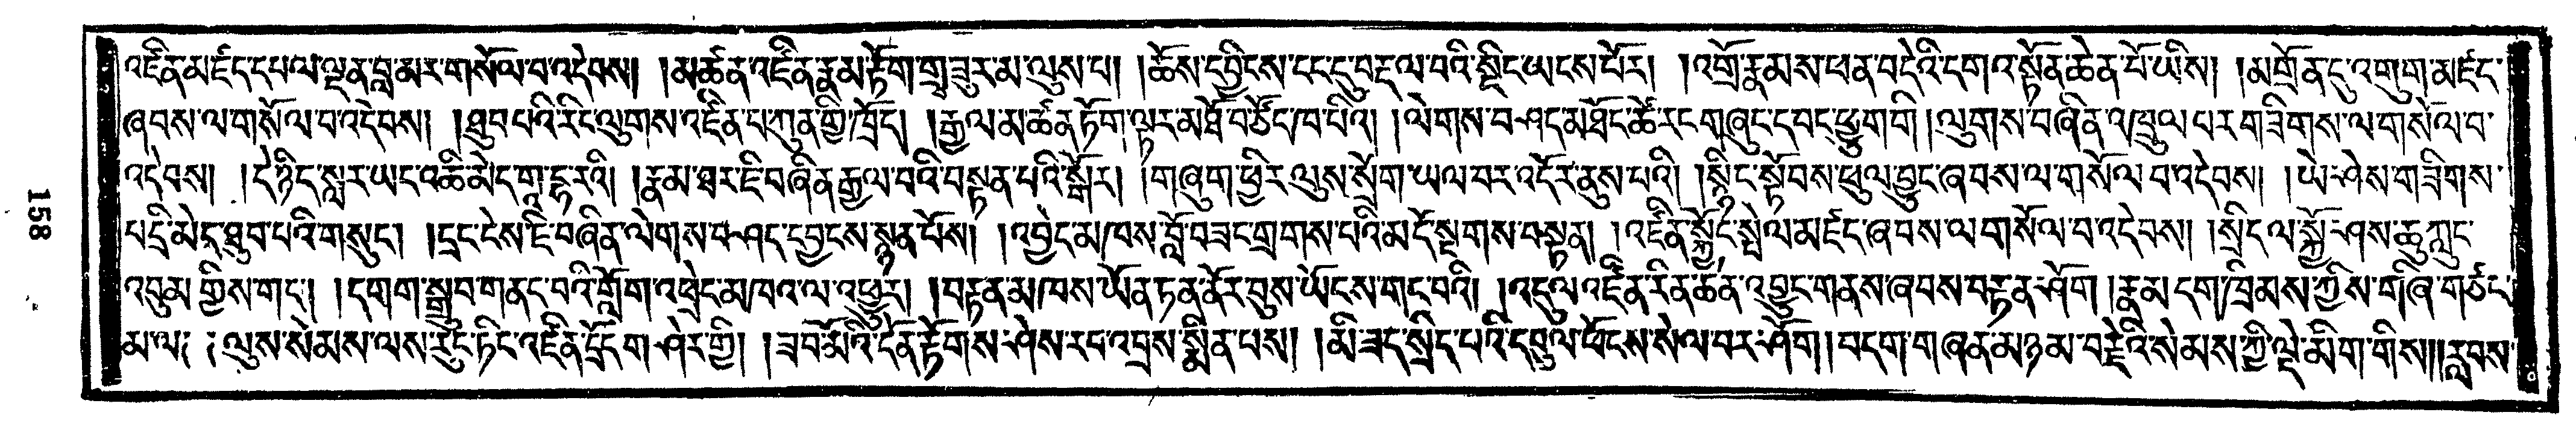འཛིན་མཛད་དཔལ་ལྡན་བླ་མར་གསོལ་བ་འདེབས། །མཚན་འཛིན་རྣམ་རྟོག་གྲྭ་ཟུར་མ་ལུས་པ། །ཆོས་དབྱིངས་ངང་དུ་བརྡལ་བའི་སྡིང་ཡངས་པོར། །འགྲོ་རྣམས་ཕན་བདེའི་དགའ་སྟོན་ཆེན་པོ་ཡིས། །མགྲོན་དུ་འགུག་མཛད་
ཞབས་ལ་གསོལ་བ་འདེབས། །ཐུབ་པའི་རིང་ལུགས་འཛིན་པ་ཀུན་གྱི་ཁྲོད། །རྒྱལ་མཚན་ཏོག་ལྟར་མཐོ་བ་ཙོང་ཁ་པའི། །ལེགས་བཤད་མཐོང་ཚེ་རང་གཞུང་དབང་ཕྱུག་གི། །ལུགས་བཞིན་འཁྲུལ་པར་གཟིགས་ལ་གསོལ་བ་
འདེབས། །དེ་ཉིད་སླར་ཡང་འཆི་མེད་གཱ་དྷ་རའི། །རྣམ་ཐར་ཇི་བཞིན་རྒྱལ་བའི་བསྟན་པའི་སྒོར། །གཞུག་ཕྱིར་ལུས་སྲོག་ཡལ་བར་འདོར་ནུས་པའི། །སྙིང་སྟོབས་ཕུལ་བྱུང་ཞབས་ལ་གསོལ་བ་འདེབས། །ཡེ་ཤེས་གཟིགས་
པ་དྲི་མེད་ཐུབ་པའི་གསུངས། །དྲང་ངེས་ཇི་བཞིན་ལེགས་བཤད་དབྱངས་སྙན་པོས། །འབྱེད་མཁས་བློ་བཟང་གྲགས་པའི་མདོ་སྔགས་བསྟན། །འཛིན་སྐྱོང་སྤེལ་མཛད་ཞབས་ལ་གསོལ་བ་འདེབས། །སྲིད་ལ་སྐྱོ་ཤས་ཆུ་ཀླུང་
འབུམ་གྱིས་གང་། །དགག་སྒྲུབ་གནང་བའི་གློག་འཕྲེང་མཁའ་ལ་འཕྱུར། །བརྟན་མཁས་ཡོན་ཏན་ནོར་བུས་ཡོངས་གང་བའི། །འདུལ་འཛིན་རིན་ཆེན་འབྱུང་གནས་ཞབས་བརྟན་ཤོག །རྣམ་དག་ཁྲིམས་ཀྱི་ས་གཞི་གཙང་
མ་ལ༑ ༑ལུས་སེམས་ལས་རུང་ཏིང་འཛིན་དྲོད་གཤེར་གྱི། །ཟབ་མོའི་དོན་རྟོགས་ཤེས་རབ་འབྲས་སྨིན་པས། །མི་ཟད་སྲིད་པའི་དབུལ་ཕོངས་སེལ་བར་ཤོག །བདག་གཞན་མཉམ་བརྗེའི་སེམས་ཀྱི་ལྡེ་མིག་གིས། །རླབས་